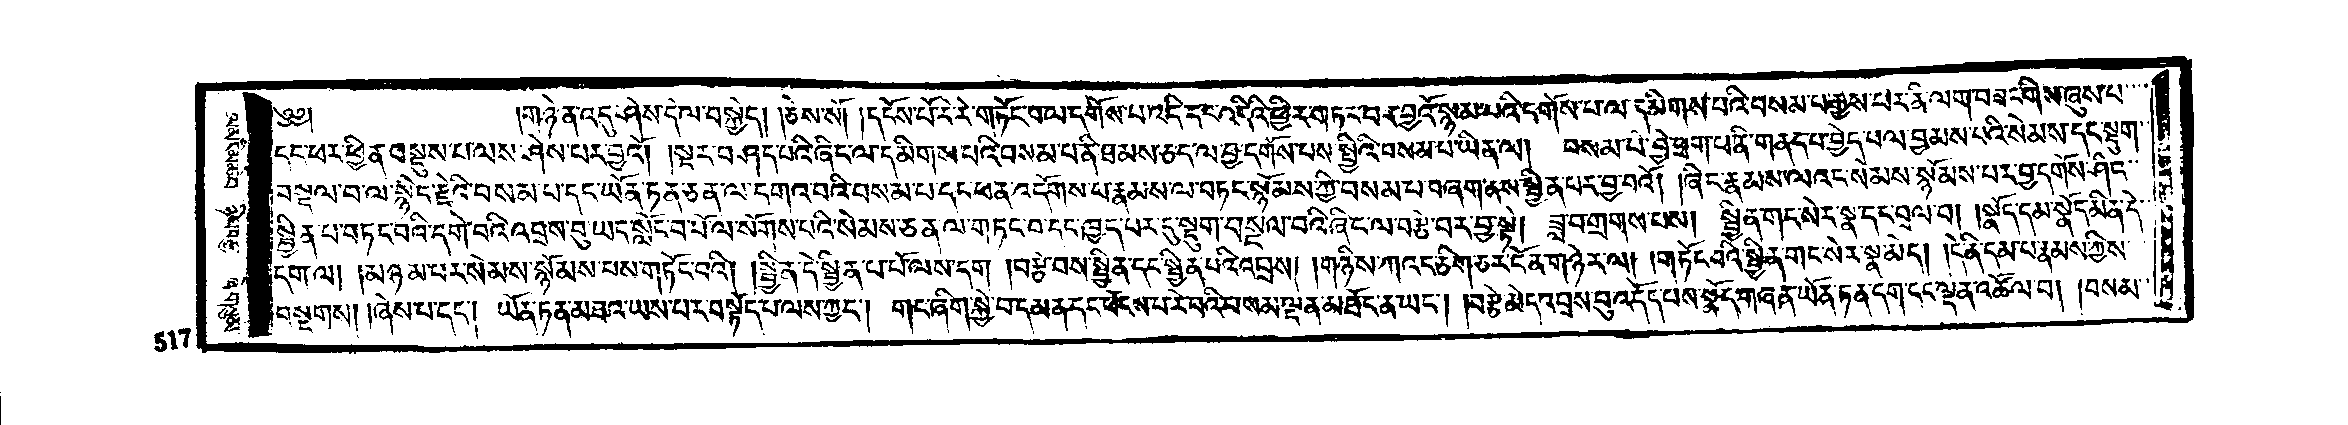༄༅། །གཉེན་འདུ་ཤེས་དེ་ལ་བསྐྱེད། །ཅེས་སོ། །དངོས་པོ་རེ་རེ་གཏོང་བ་ལ་དགོས་པ་འདི་དང་འདིའི་ཕྱིར་གཏང་བར་བྱའོ་སྙམ་པའི་དགོས་པ་ལ་དམིགས་པའི་བསམ་པ་རྒྱས་པར་ནི་ལག་བཟང་གིས་ཞུས་པ་
དང་ཕར་ཕྱིན་བསྡུས་པ་ལས་ཤེས་པར་བྱའོ། །སྔར་བཤད་པའི་ཞིང་ལ་དམིགས་པའི་བསམ་པ་ནི་ཐམས་ཅད་ལ་བྱ་དགོས་པས་སྤྱིའི་བསམ་པ་ཡིན་ལ། བསམ་པ་བྱེ་བྲག་པ་ནི་གནོད་པ་བྱེད་པ་ལ་བྱམས་པའི་སེམས་དང་སྡུག་
བསྔལ་བ་ལ་སྙིང་རྗེའི་བསམ་པ་དང་ཡོན་ཏན་ཅན་ལ་དགའ་བའི་བསམ་པ་དང་ཕན་འདོགས་པ་རྣམས་ལ་བཏང་སྙོམས་ཀྱི་བསམ་པ་བཞག་ནས་སྦྱིན་པར་བྱ་བའོ། །ཞིང་རྣམས་ལའང་སེམས་སྙོམས་པར་བྱ་དགོས་ཤིང་
སྦྱིན་པ་བཏང་པའི་དགེ་བའི་འབྲས་བུ་ཡང་སློང་བ་པོ་ལ་སོགས་པའི་སེམས་ཅན་ལ་གཏོང་བ་དང་ཁྱད་པར་དུ་སྡུག་བསྔལ་བའི་ཞིང་ལ་བརྩེ་བར་བྱ་སྟེ། ཟླ་བ་གྲགས་པས། སྦྱིན་གང་སེར་སྣ་དང་བྲལ་བ། །སྣོད་དམ་སྣོད་མིན་དེ་
དག་ལ། །མཉམ་པར་སེམས་སྙོམས་པས་གཏོང་བའི། །སྦྱིན་དེ་སྦྱིན་པ་པོ་ལས་དག །བརྩེ་བས་སྦྱིན་དང་སྦྱིན་པའི་འབྲས། །གཉིས་ཀའང་ཅིག་ཅར་དོན་གཉེར་ལ། །གཏོང་བའི་སྦྱིན་གང་སེར་སྣ་མེད། །དེ་ནི་དམ་པ་རྣམས་ཀྱིས་
བསྔགས། །ཞེས་པ་དང་། ཡོན་ཏན་མཐའ་ཡས་པར་བསྟོད་པ་ལས་ཀྱང་། གང་ཞིག་སྐྱེ་བ་དམན་དང་ཕོངས་པ་རེ་བའི་བསམ་ལྡན་མཐོང་ན་ཡང་། །བརྩེ་མེད་འབྲས་བུ་འདོད་པས་སྣོད་གཞན་ཡོན་ཏན་དག་དང་ལྡན་འཚོལ་བ། །བསམ་